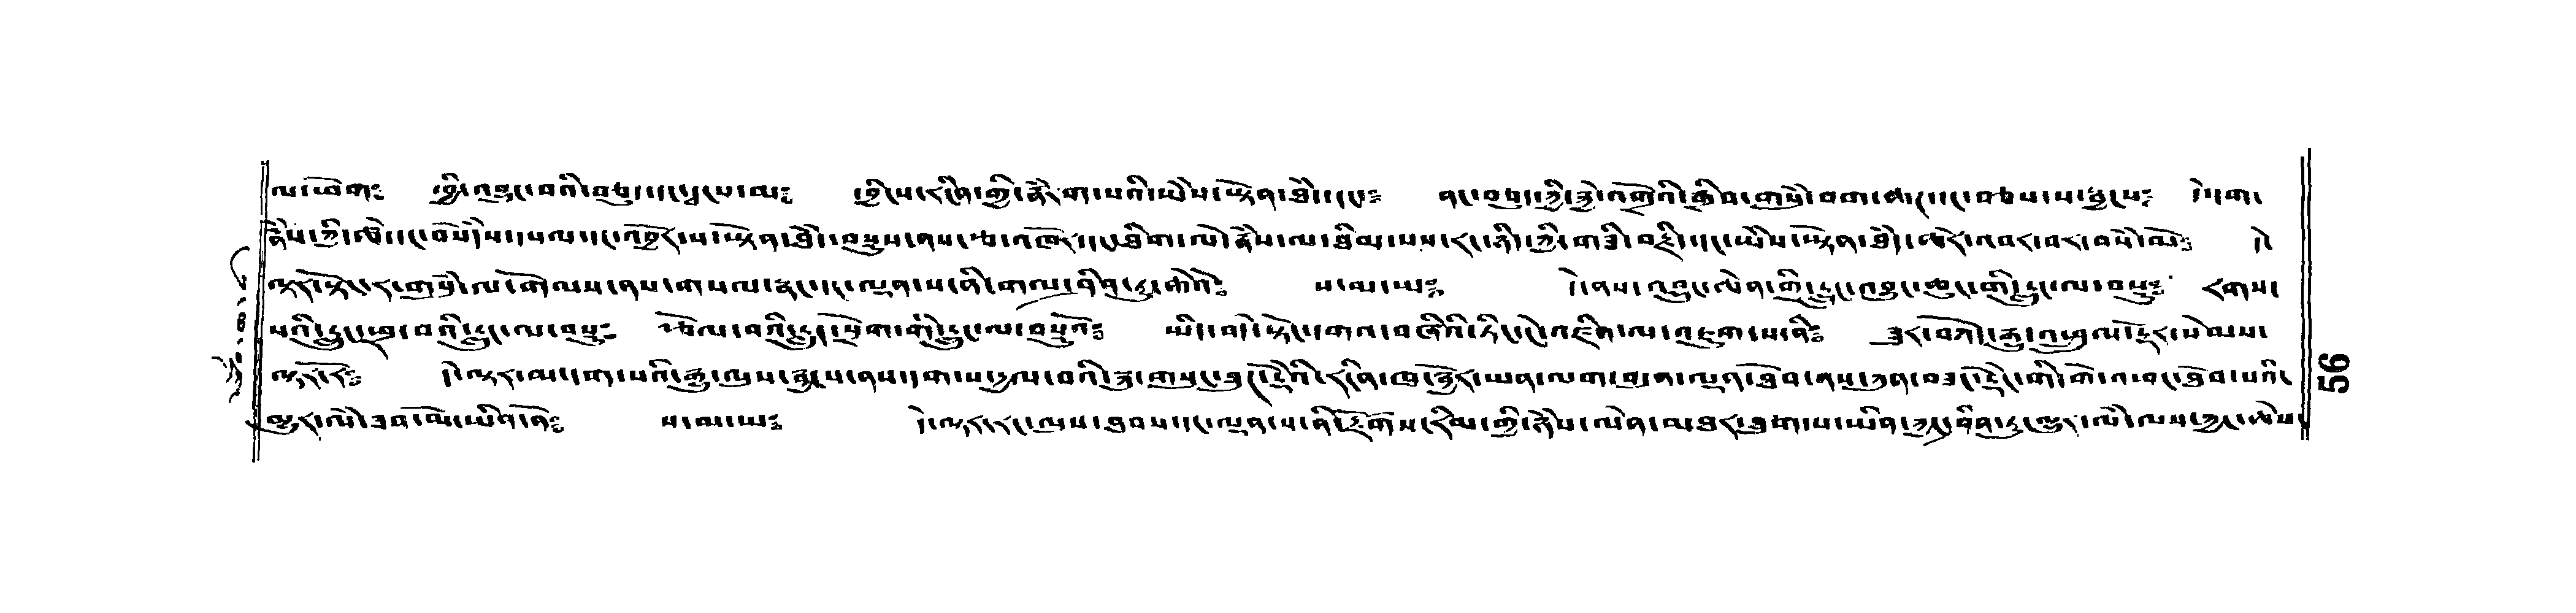ལ་ཕོག༔ ཕྱི་འབྱུང་བའི་བཅུད་དང་དྭངས་མ༔ དབྱིངས་རང་བཞིན་གྱི་རྣམ་པར་དག་པའི་ཡེ་ཤེས་ཡོན་ཏན་ཐམས་ཅད་དང༔ ནང་བཅུད་ཀྱི་སྐྱེ་འགྲོའི་སྒྲིབ་གསུམ་བག་ཆགས་དང་བཅས་པ་སྦྱངས༔ དེ་དག་
རྣམས་ཀྱི་ཚེ་དང་བསོད་ནམས་དཔལ་དང་འབྱོར་པ་ཡོན་ཏན་ཐམས་ཅད་བསྡུས་ནས་རྩ་འཁོར་དང་ཐིག་ལེ་རྣམས་ལ་ཐིམ་པས་རང་ཉིད་ཀྱི་གཟི་བརྗིད་དང་ཡེ་ཤེས་ཡོན་ཏན་ཐམས་ཅད་ཆེར་འབར་བར་བསམ་མོ༔ དེ་
ལྟར་སྟེང་ར་གསུམ་ལ་གོམས་ནས་གསལ་སྣང་དང་ལྡན་པ་ནི་གལ་ཤིན་ཏུ་ཆེའོ༔ ས་མ་ཡ༔ དེ་ནས་འབྱུང་ཆེན་གྱི་རླུང་འབྱུང་ཆུང་གི་རླུང་ལ་བསྡུ༔ རགས་
པའི་རླུང་ཕྲ་བའི་རླུང་ལ་བསྡུ༔ རྩོལ་བའི་རླུང་སྲོག་གི་རླུང་ལ་བསྡུའོ༔ ཡིད་བདེ་སྟོང་དགའ་བཞིའི་ཏིང་ངེ་འཛིན་ལ་འཇུག་པ་ནི༔ ཟུར་བཀོད་སྒྱུ་འཕྲུལ་རྡོར་སེམས་
ལྟར་རོ༔ དེ་ལྟར་མ་དག་པའི་སྒྱུ་ལུས་སྦྱངས་ནས་དག་པ་རྒྱལ་བའི་སྐུ་གསུང་ཐུགས་རྡོ་རྗེའི་རང་བཞིན་ཁ་སྦྱོར་ཡན་ལག་བདུན་ལྡན་ཐོབ་ནས་ཀུན་བཟང་རྡོ་རྗེ་འཆང་གི་གོ་འཕང་ཐོབ་པའི་
མྱུར་ལམ་ཟབ་མོ་ཡིན་ནོ༔ ས་མ་ཡ༔ དེ་ལྟར་རང་ལུས་ཐབས་དང་ལྡན་པ་ནི་རྫོགས་རིམ་གྱི་ཉམས་ལེན་མཐར་ཐུག་པ་ཡིན་ཀྱང་ཤིན་ཏུ་མྱུར་ལམ་ལས་ཀྱང་ཆེས་